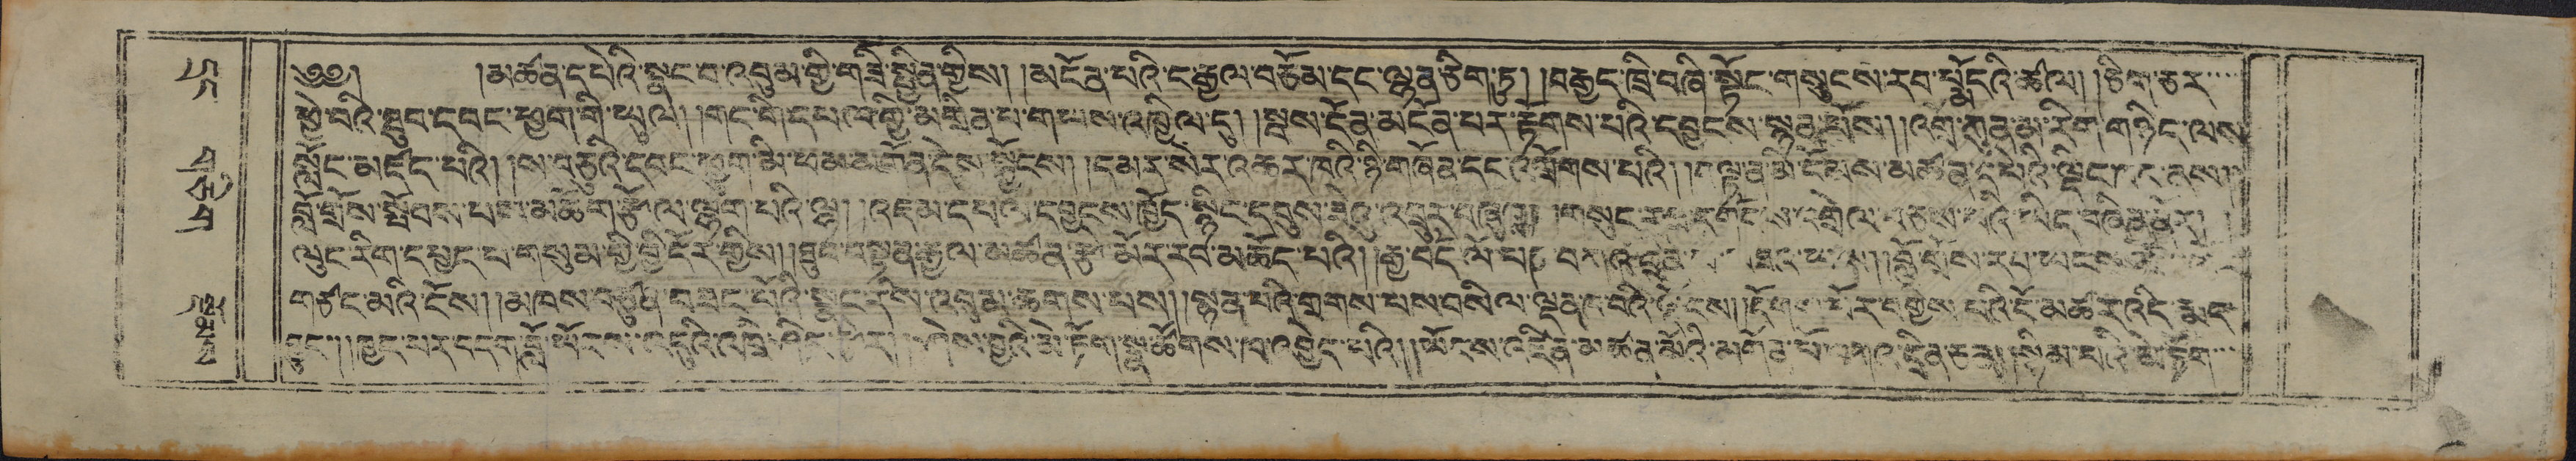༄༅། །མཚན་དཔེའི་སྣང་བ་འབུམ་གྱི་གཟི་སྦྱིན་གྱིས། །མངོན་པའི་ང་རྒྱལ་བཅོམ་དང་ལྷན་ཅིག་ཏུ། །བརྒྱད་ཁྲི་བཞི་སྟོང་གསུངས་གསུང་རབ་པདམོའི་ཚལ། །ཅིག་ཅར་
ཕྱེ་བའི་ཐུབ་དབང་ཕྱག་གི་ཡུལ། །གང་གི་དཔལ་གྱི་མགྲིན་པ་གཡས་འཁྱིལ་དུ། །སྦས་དོན་མངོན་པར་རྟོགས་པའི་དབྱངས་སྙན་པོས། །འགྲོ་ཀུན་མ་རིག་གཉིད་ལས་
སློང་མཛད་པའི། །ས་བཅུའི་དབང་ཕྱུག་མི་ཕམ་མགོན་དེས་སྐྱོངས། །དམར་སེར་འཆར་ཁའི་ཉི་གཞོན་དང་འགྲོགས་པའི། །བལྟ་ན་མི་ངོམས་མཚན་དཔེའི་ལྡིང་ཁང་ནས། །
བློ་གྲོས་སྤོབས་པ་མཆོག་རྩོལ་སྩོལ་ལྷག་པའི་ལྷ། །འཇམ་དཔལ་དབྱངས་ཁྱོད་སྙིང་དབུས་ཟེའུ་འབྲུར་བཞུགས། །གསུང་རབ་དགོངས་འགྲེལ་བཅས་པའི་ཡིད་བཞིན་ནོར། །
ལུང་རིག་དཔྱད་པ་གསུམ་གྱི་བྱི་དོར་གྱིས། །ཐུབ་བསྟན་རྒྱལ་མཚན་རྩེ་མོར་རབ་མཆོད་པའི། །རྒྱ་བོད་ལོ་པཎ་བཀའ་དྲིན་ཕ་མཐའ་ཡས། །བློ་གྲོས་རབ་ཡངས་མེ་ལོང་
གཙང་མའི་ངོས། །མཁས་བཙུན་བཟང་པོའི་སྣང་རིས་འབུམ་ཆགས་པས། །སྙན་པའི་གྲགས་པས་བསིལ་ལྡན་ཁ་བའི་ལྗོངས། །དོགས་པོར་བགྱིས་པའི་ངོ་མཚར་འདི་རྨད་
བྱུང༑ ༑ཁྱད་པར་བདག་བློ་ཡོངས་འདུའི་འཁྲི་ཤིང་རྩེར། །ཤེས་བྱའི་མེ་ཏོག་སྣ་ཚོགས་ཁ་འབྱེད་པའི། །ཡོངས་འཛིན་མཚན་མོའི་མགོན་པོ་བཀའ་དྲིན་ཅན། །སྙིམ་པའི་མེ་ཏོག་